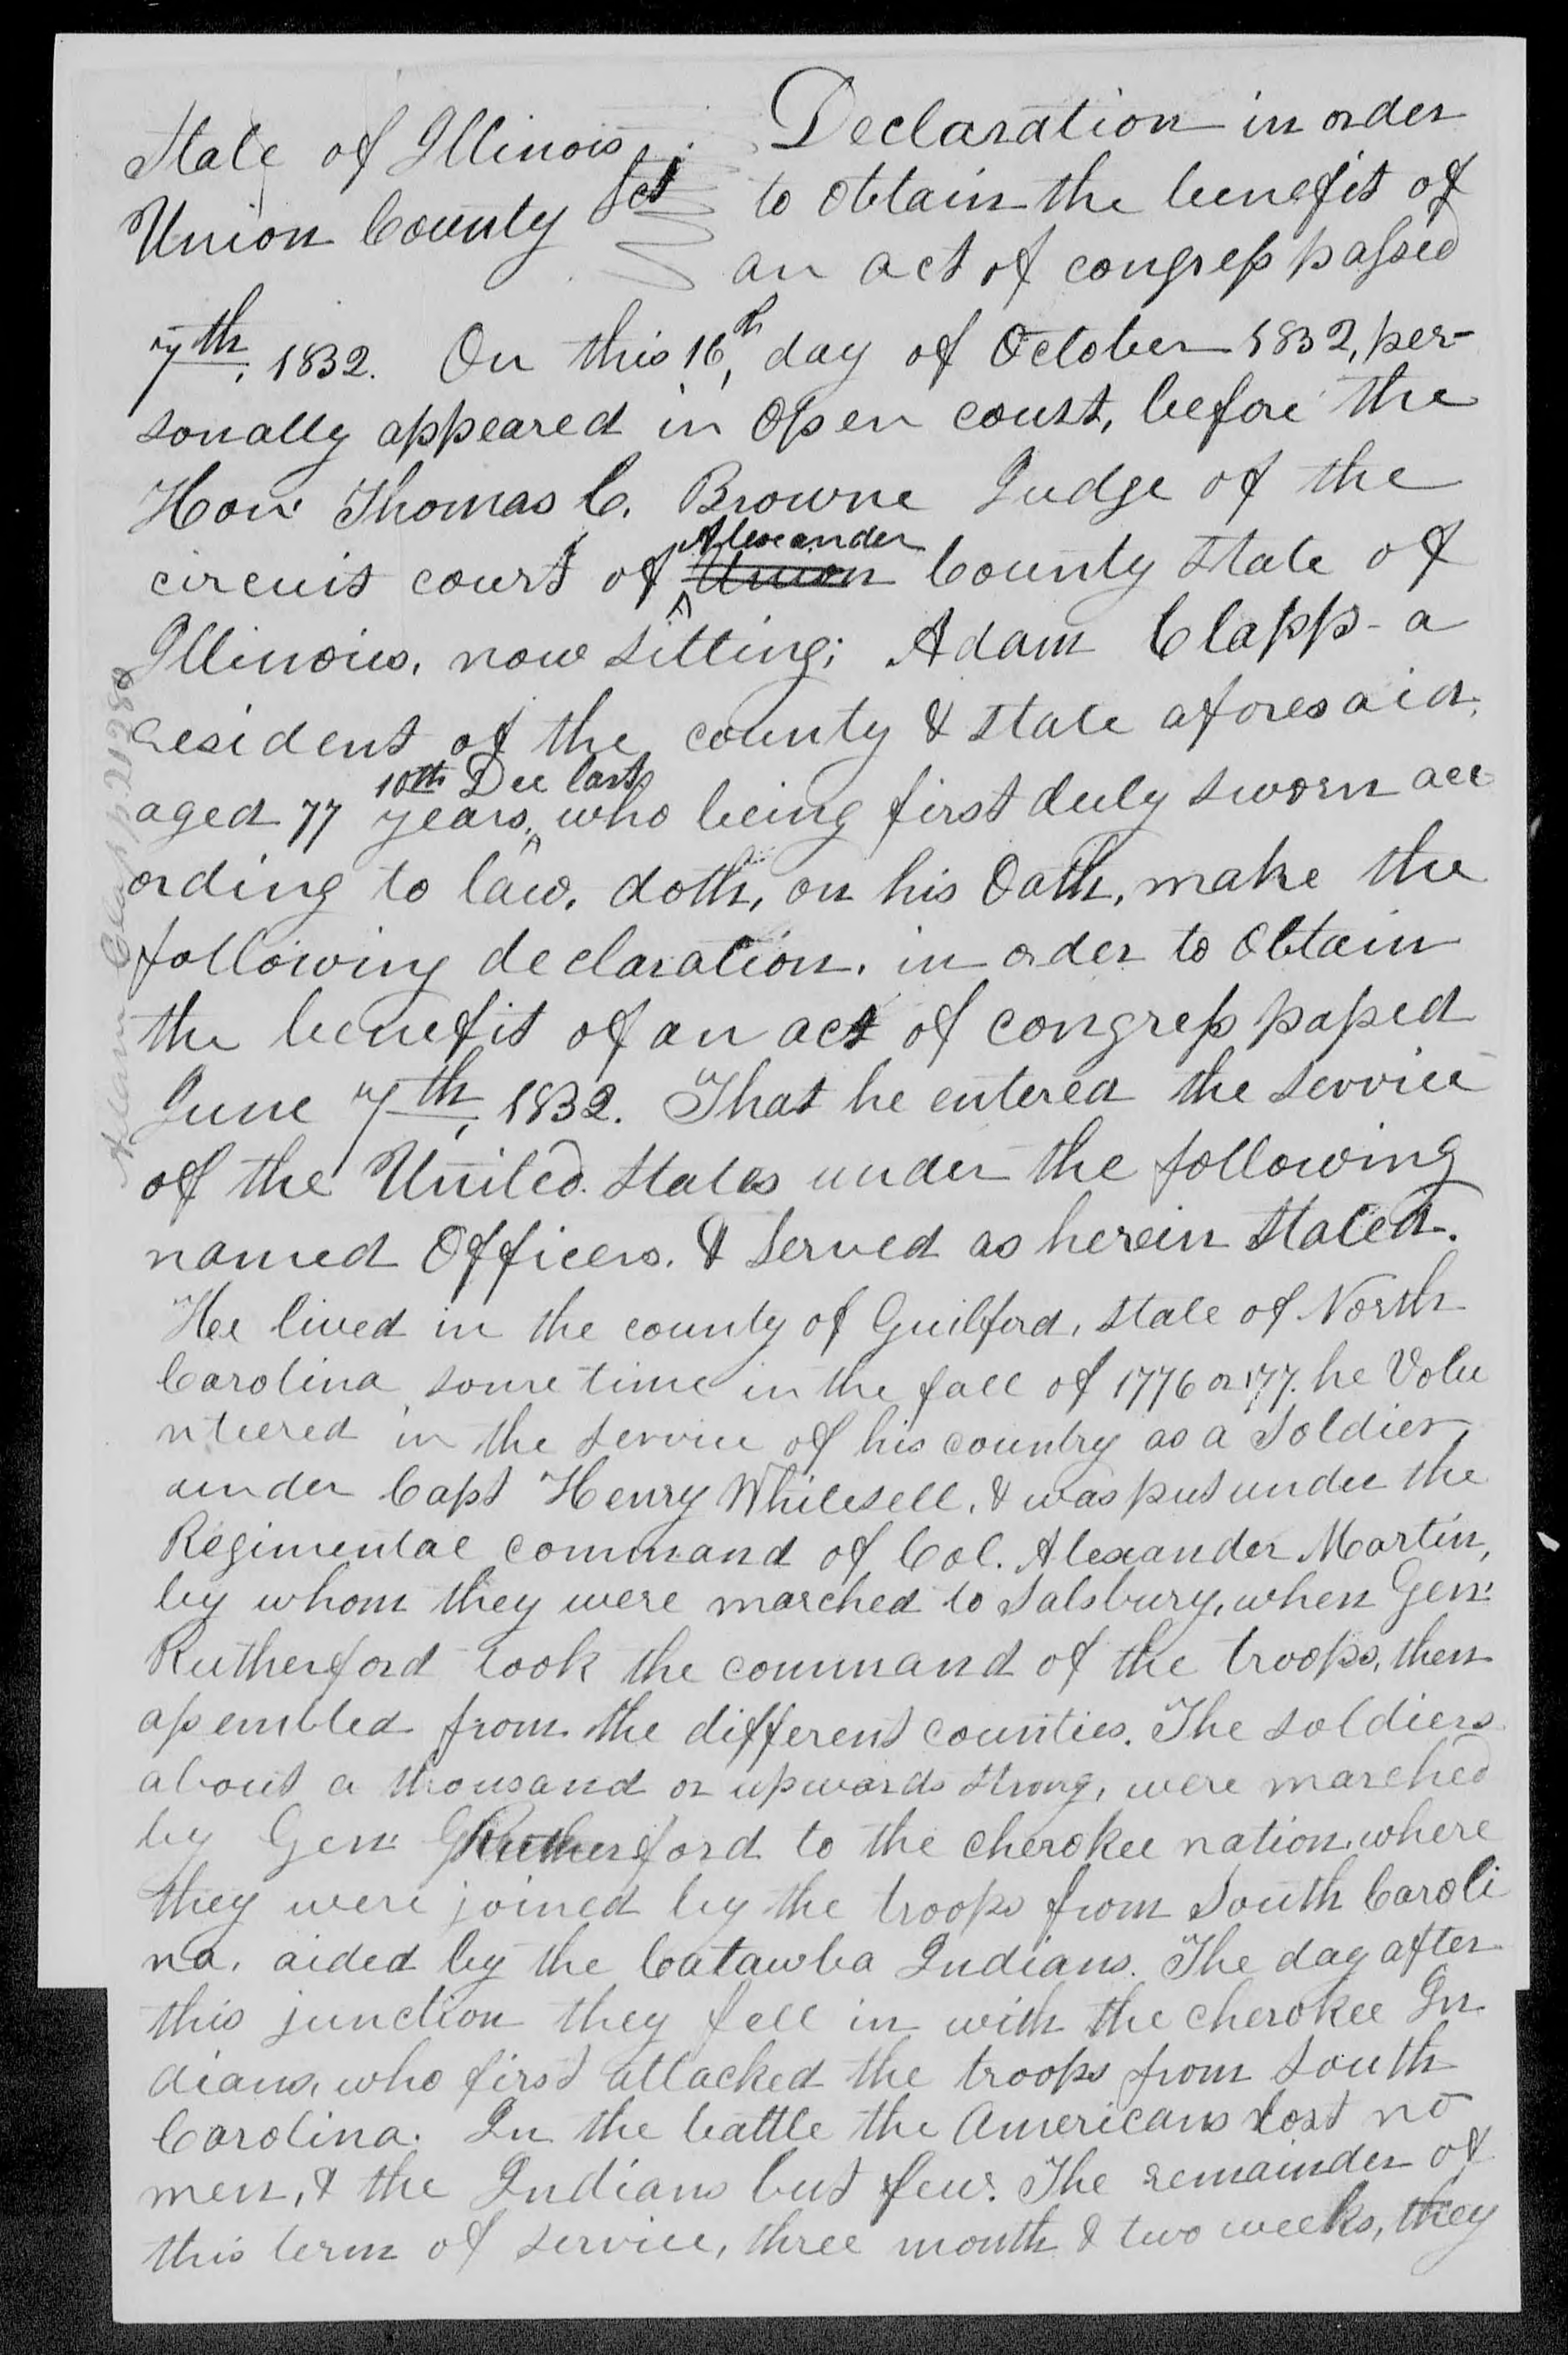State of Illinois )
Union County   ) Set
Declaration in order
to obtain the benefit of
an act of congress passed
7th 1832. On this 16th day of October 1832, per-
sonally appeared in open court, before the
Hon Thomas C. Browne Judge of the
circuit court of ["Union" is crossed out] Alexander County State of
Illinois, now sitting; Adam Clapp a
resident of the county & state aforesaid,
10th Dec lasts
aged 77 years, 10th Dec last who being first duly sworn acc-
ording to law, doth, on his oath, make the
following declaration, in order to obtain
the benefit of an act of congress passed
June 7th, 1832. That he entered the service
of the United States under the following
named Officers & Served as herein stated.
He lived in the county of Guilford, State of North 
Carolina some time in the fall of 1776 or 77 he Volu
ntered in the Service of his country as a Soldier
under Capt Henry Whitesell, & was put under the
Regimental command of Col. Alexander Martin
by whom they were marched to Salsbury, where Gen.
Rutherford took the command of the troops, then
assembled from the different counties. The soldiers
about a thousand or upwards strong, were marched
by Gen Rutherford to the Cherokee nation, where
they were joined by the troops from South Caroli
na, aided by the Catawba Indians. The day after
this junction they fell in with the Cherokee In
dians, who first attacked the troops from South Carolina.  In the battle the Americans lost no
men, & the Indians but few. The remainder of
this term of service, three month & two weeks, they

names: Thomas C Browne, Adam Clapp, Rutherford, Henry Whitesell, Alexander Martin, Rutherford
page: 3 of 23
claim: survivor's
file: S. 30,937, Adam Clapp, N.C.